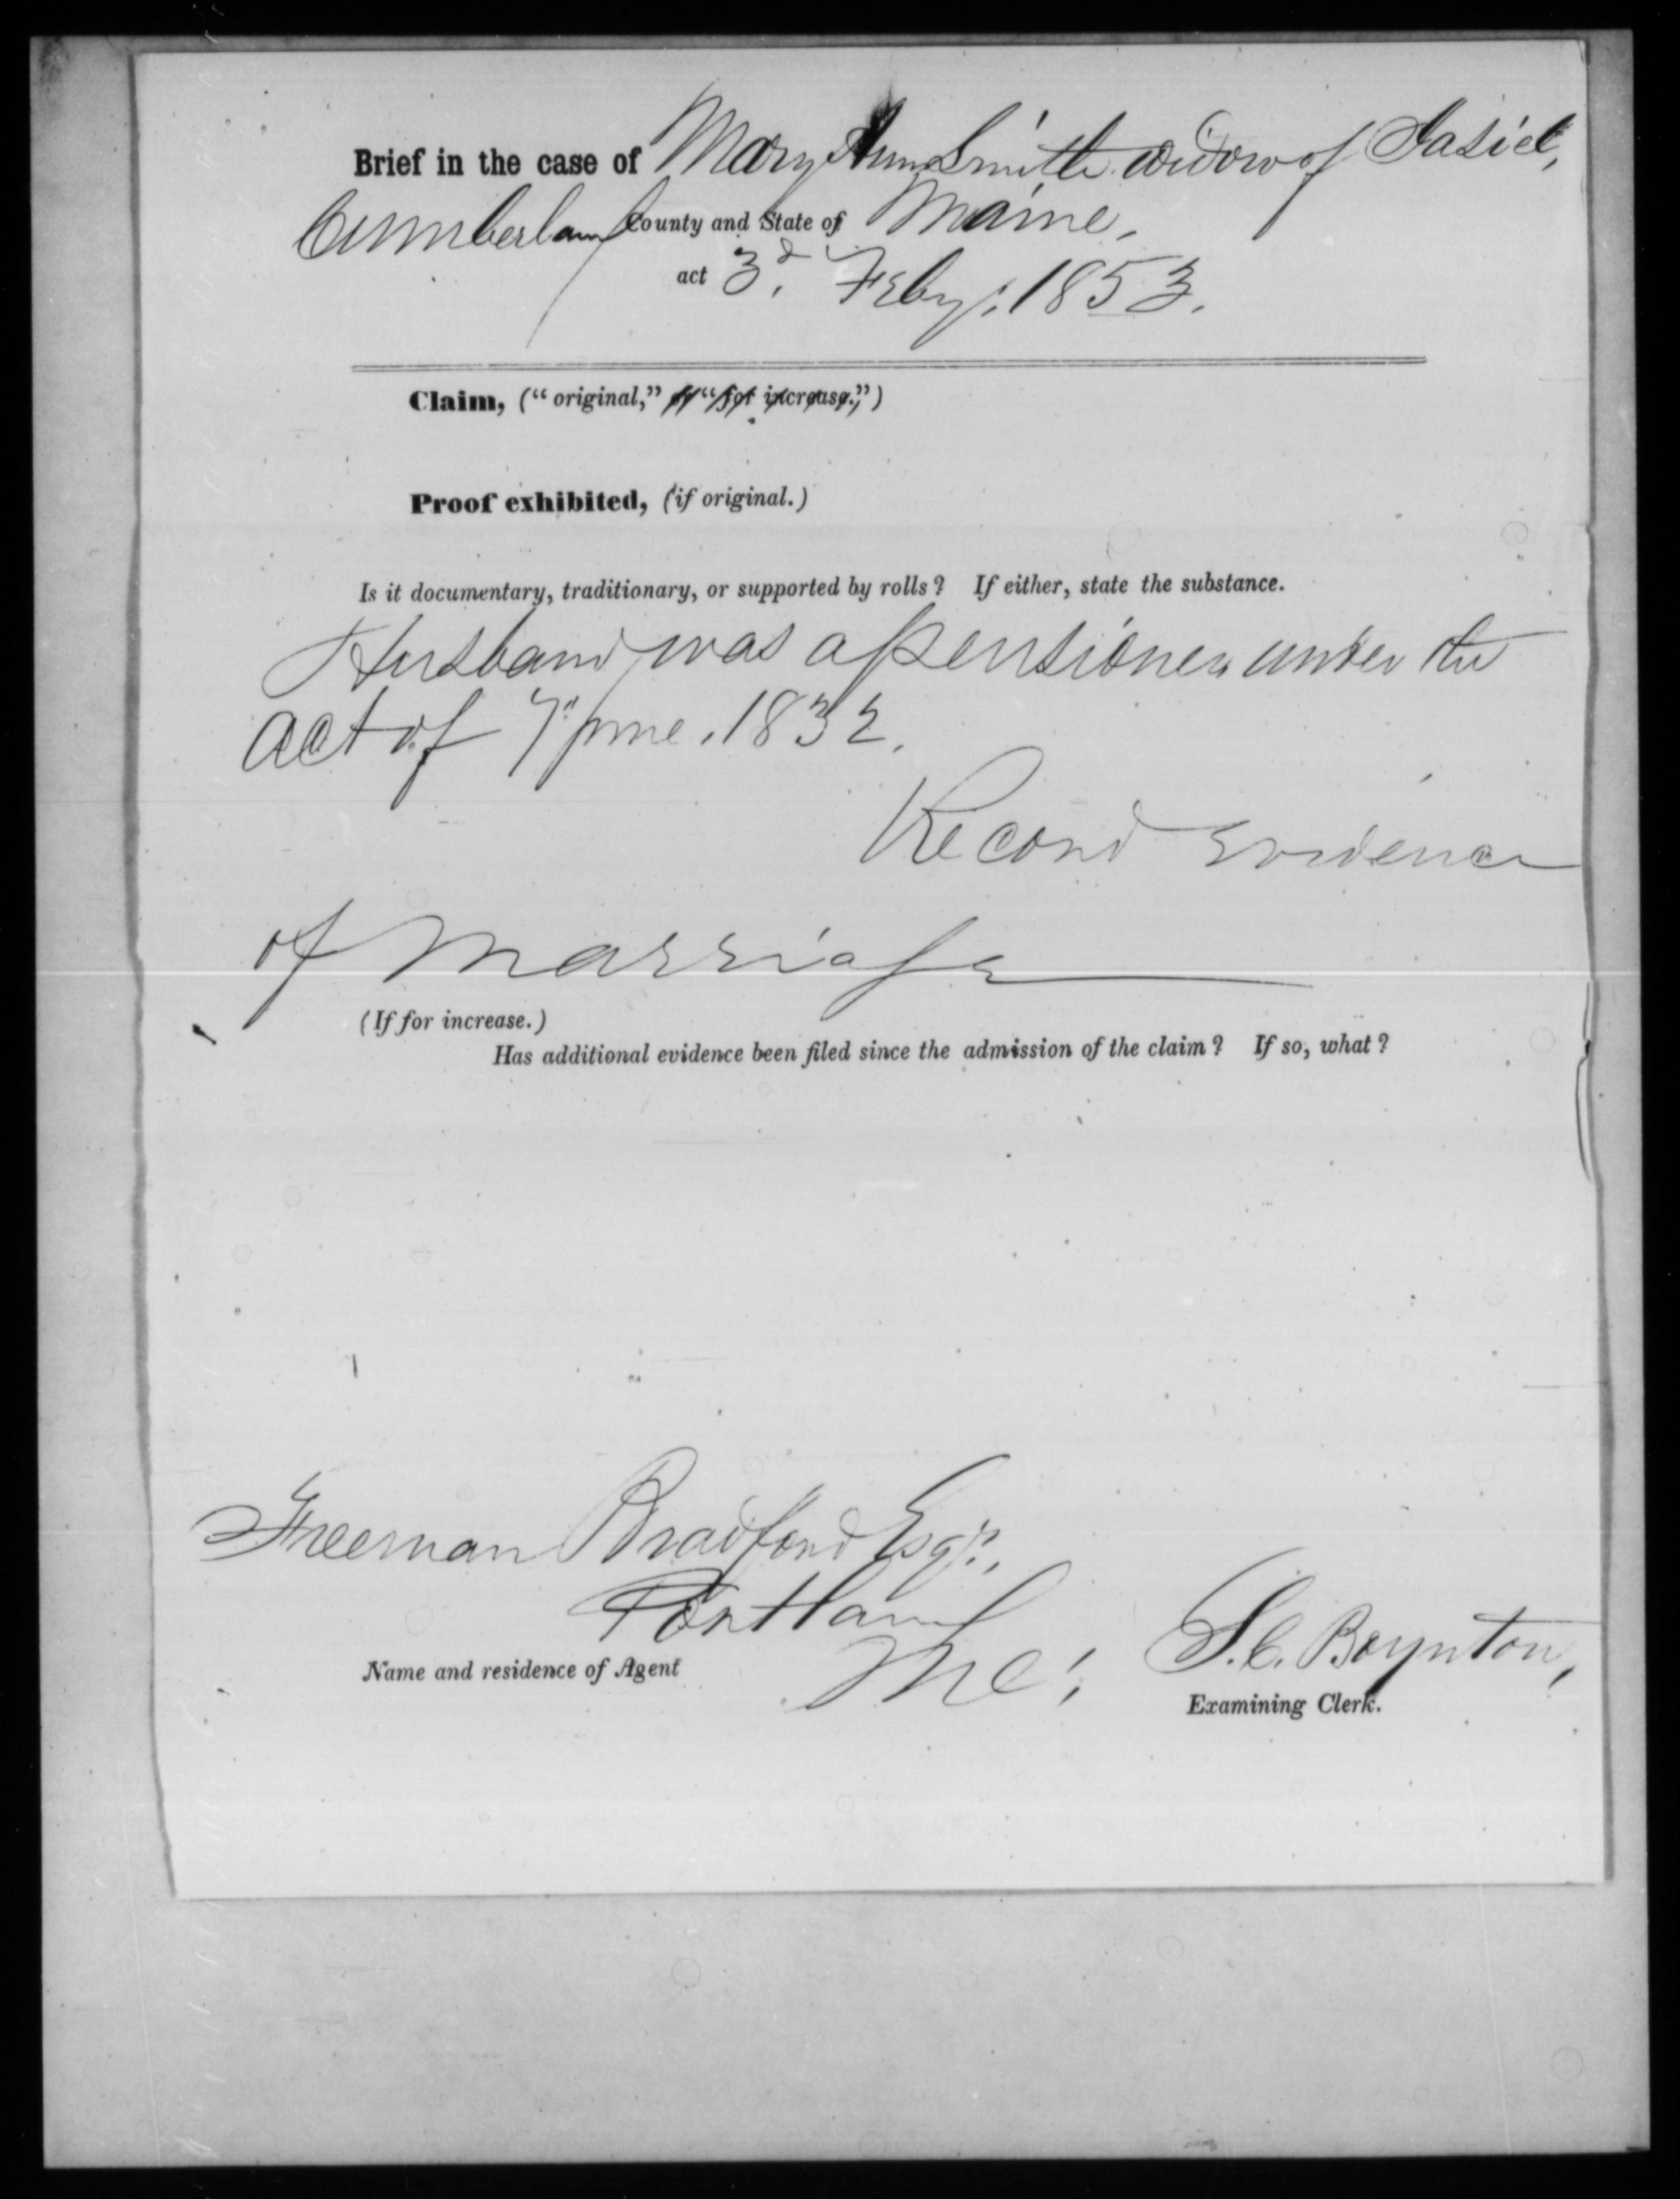Brief in the case of Mary Ann Smith the widow of Jasiel 
Cumberland County and State of Maine
act 3rd February, 1853

Claim, ("original,")
Proof exhibited, (if original.)

Is it documentary, traditionary, or supported by rolls?  If either, state the substance
"unintelligible" was a pensioner under the act of "unintelligible", 1832

Recored "unintelligible" of marriage
(if for increase.)
Has additional evidence been filed since the admission of the claim?  If so, what?

Freeman Bradford Esquire
Portland Maine
Name and residence of Agent

G.E Boynton
Examining clerk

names: Jasiel Smith; Mary Ann Smith; S C Boynton; Freeman Bradford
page: 7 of 20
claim: widow's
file: W 2362, for Jasiel Smith, Massachusetts